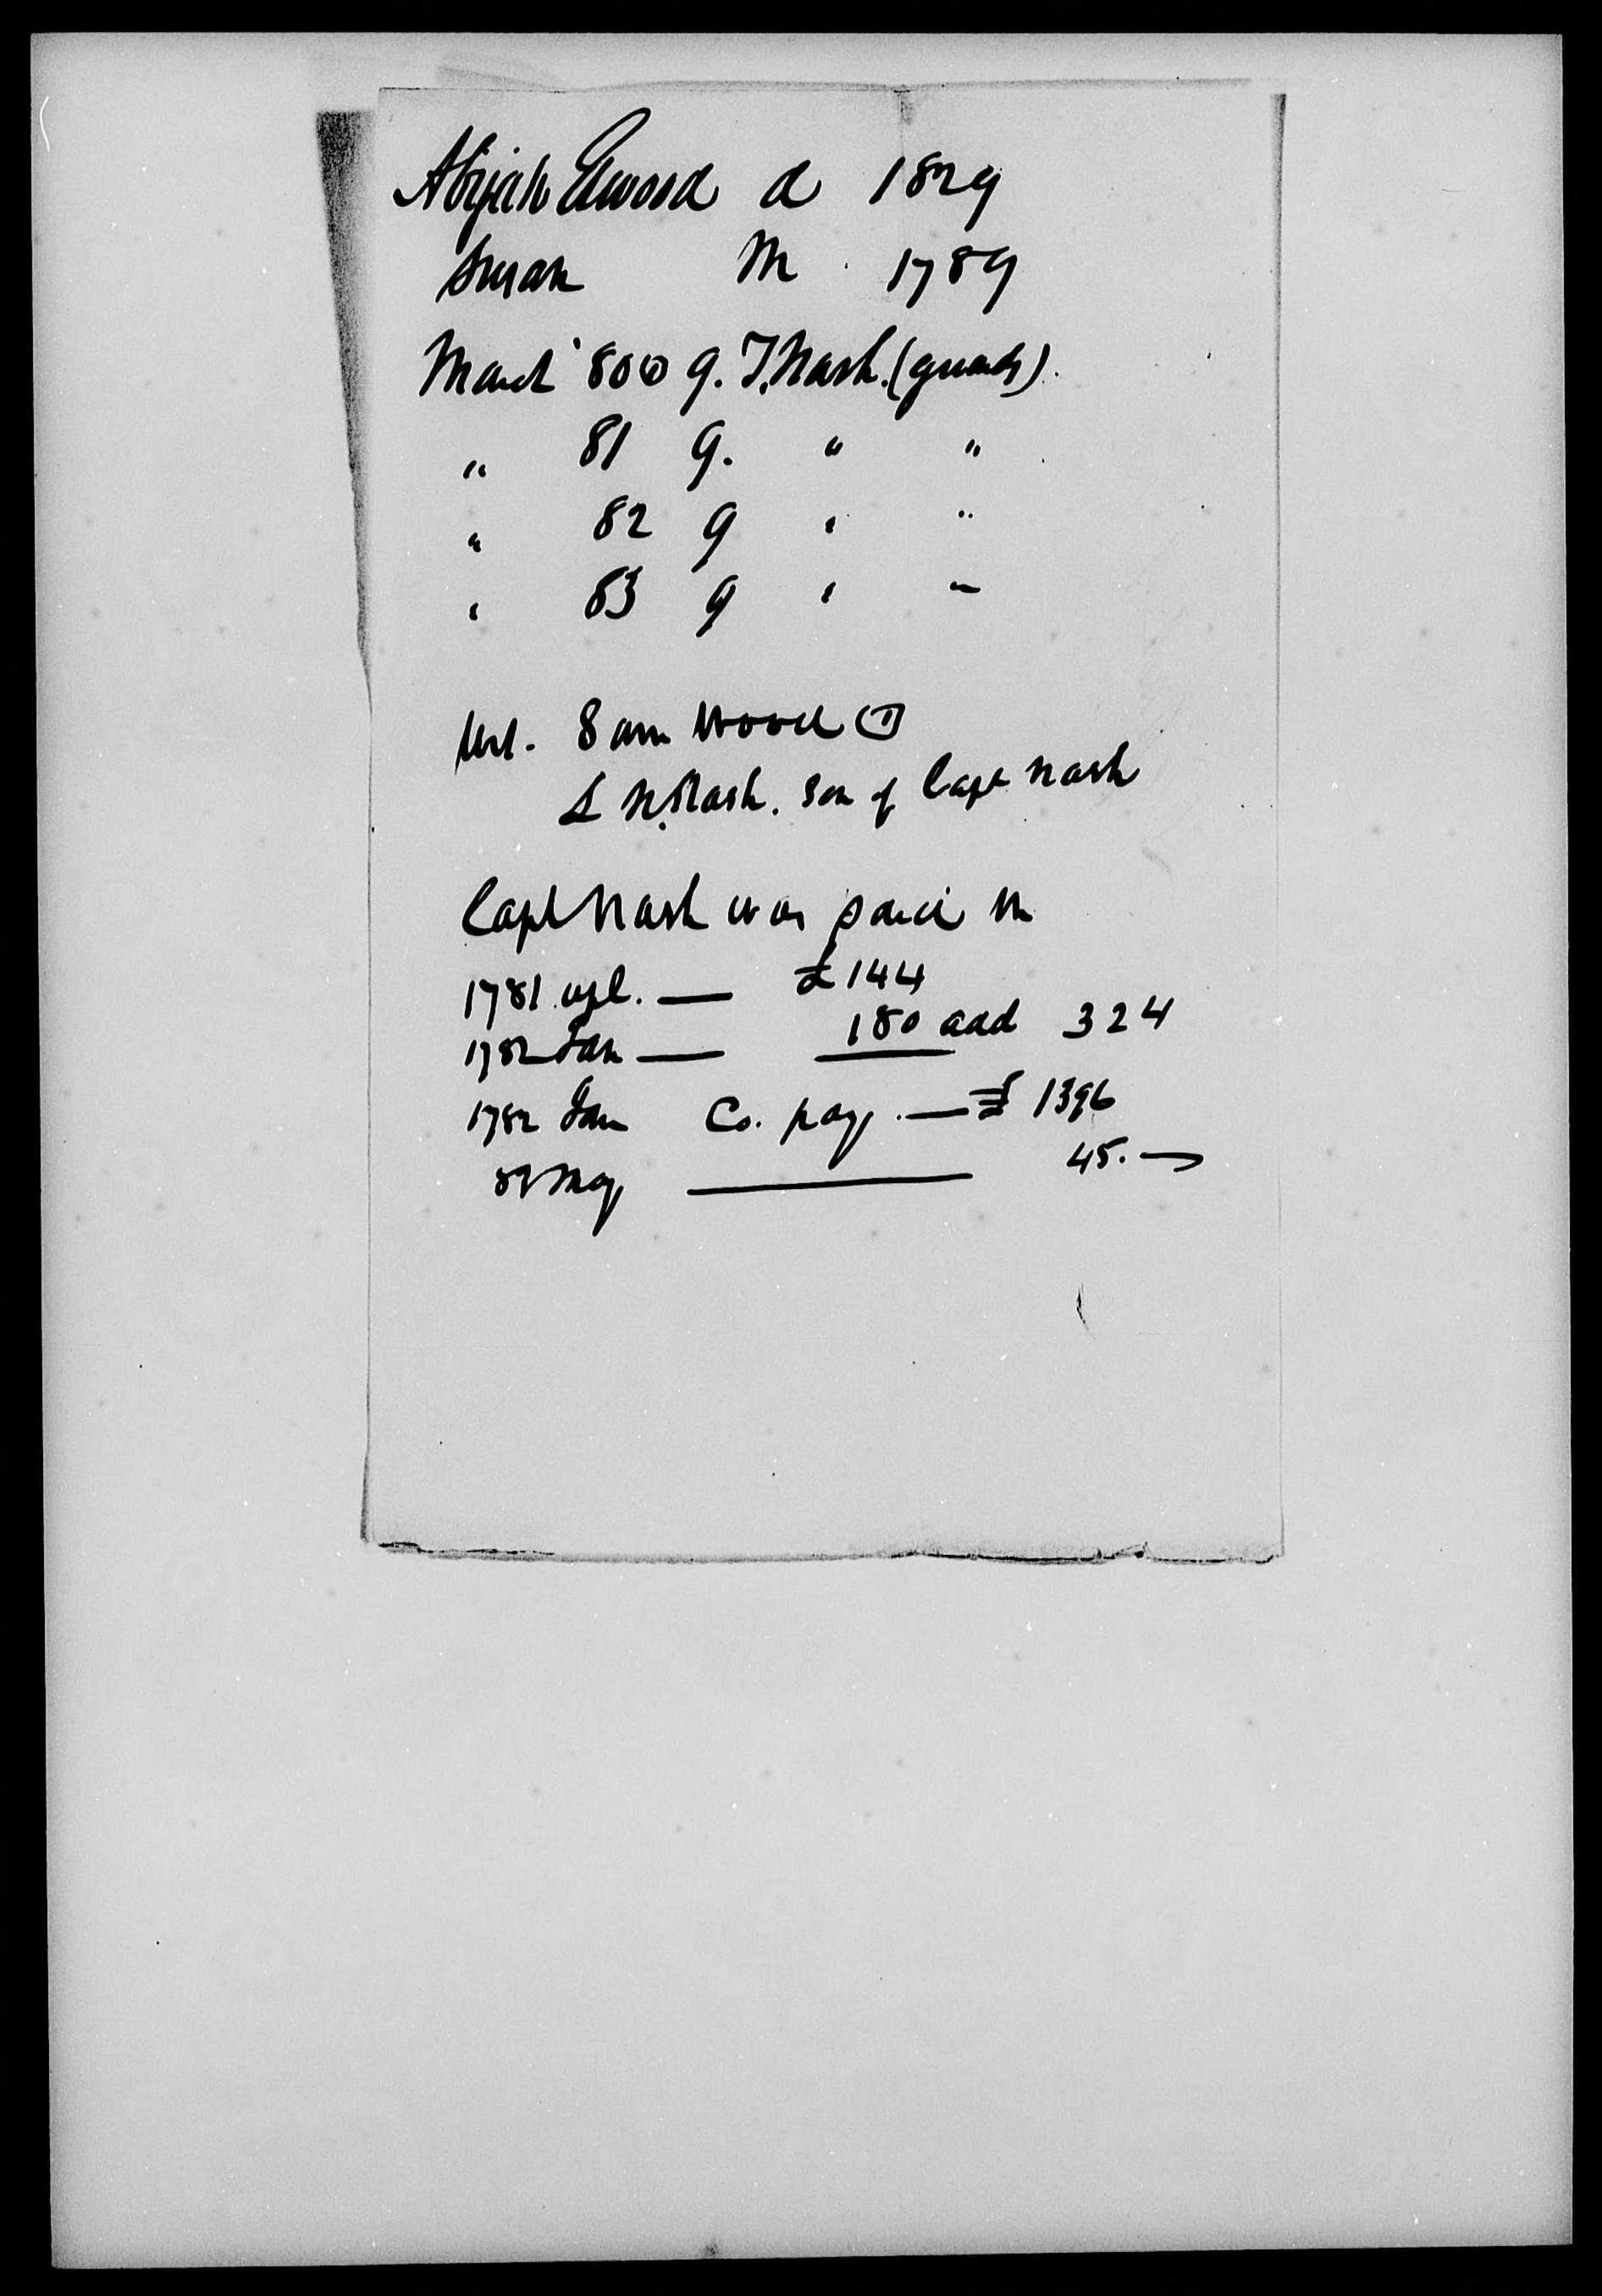Abijah Elwood d 1829
Susan m 1789
March 80 9 T. Nash (guards)
March 81 9 T. Nash (guards)
March 82 9 T. Nash (guards)
March 83 9 T. Nash (guards)

[illegible] Sam Wood (1)
S. N. Nash son of Capt Nash

Capt Nash was paid in
1781 Apl £144
1782 Jan 180 and 324
1782 Jan Co. pay £1396
83 May 45.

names: Wood, T Nash, Abijah Elwood, Nash, L N Nash, Nash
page: 39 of 69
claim: widow's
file: W. 25562, Abijah Elwood, Conn.